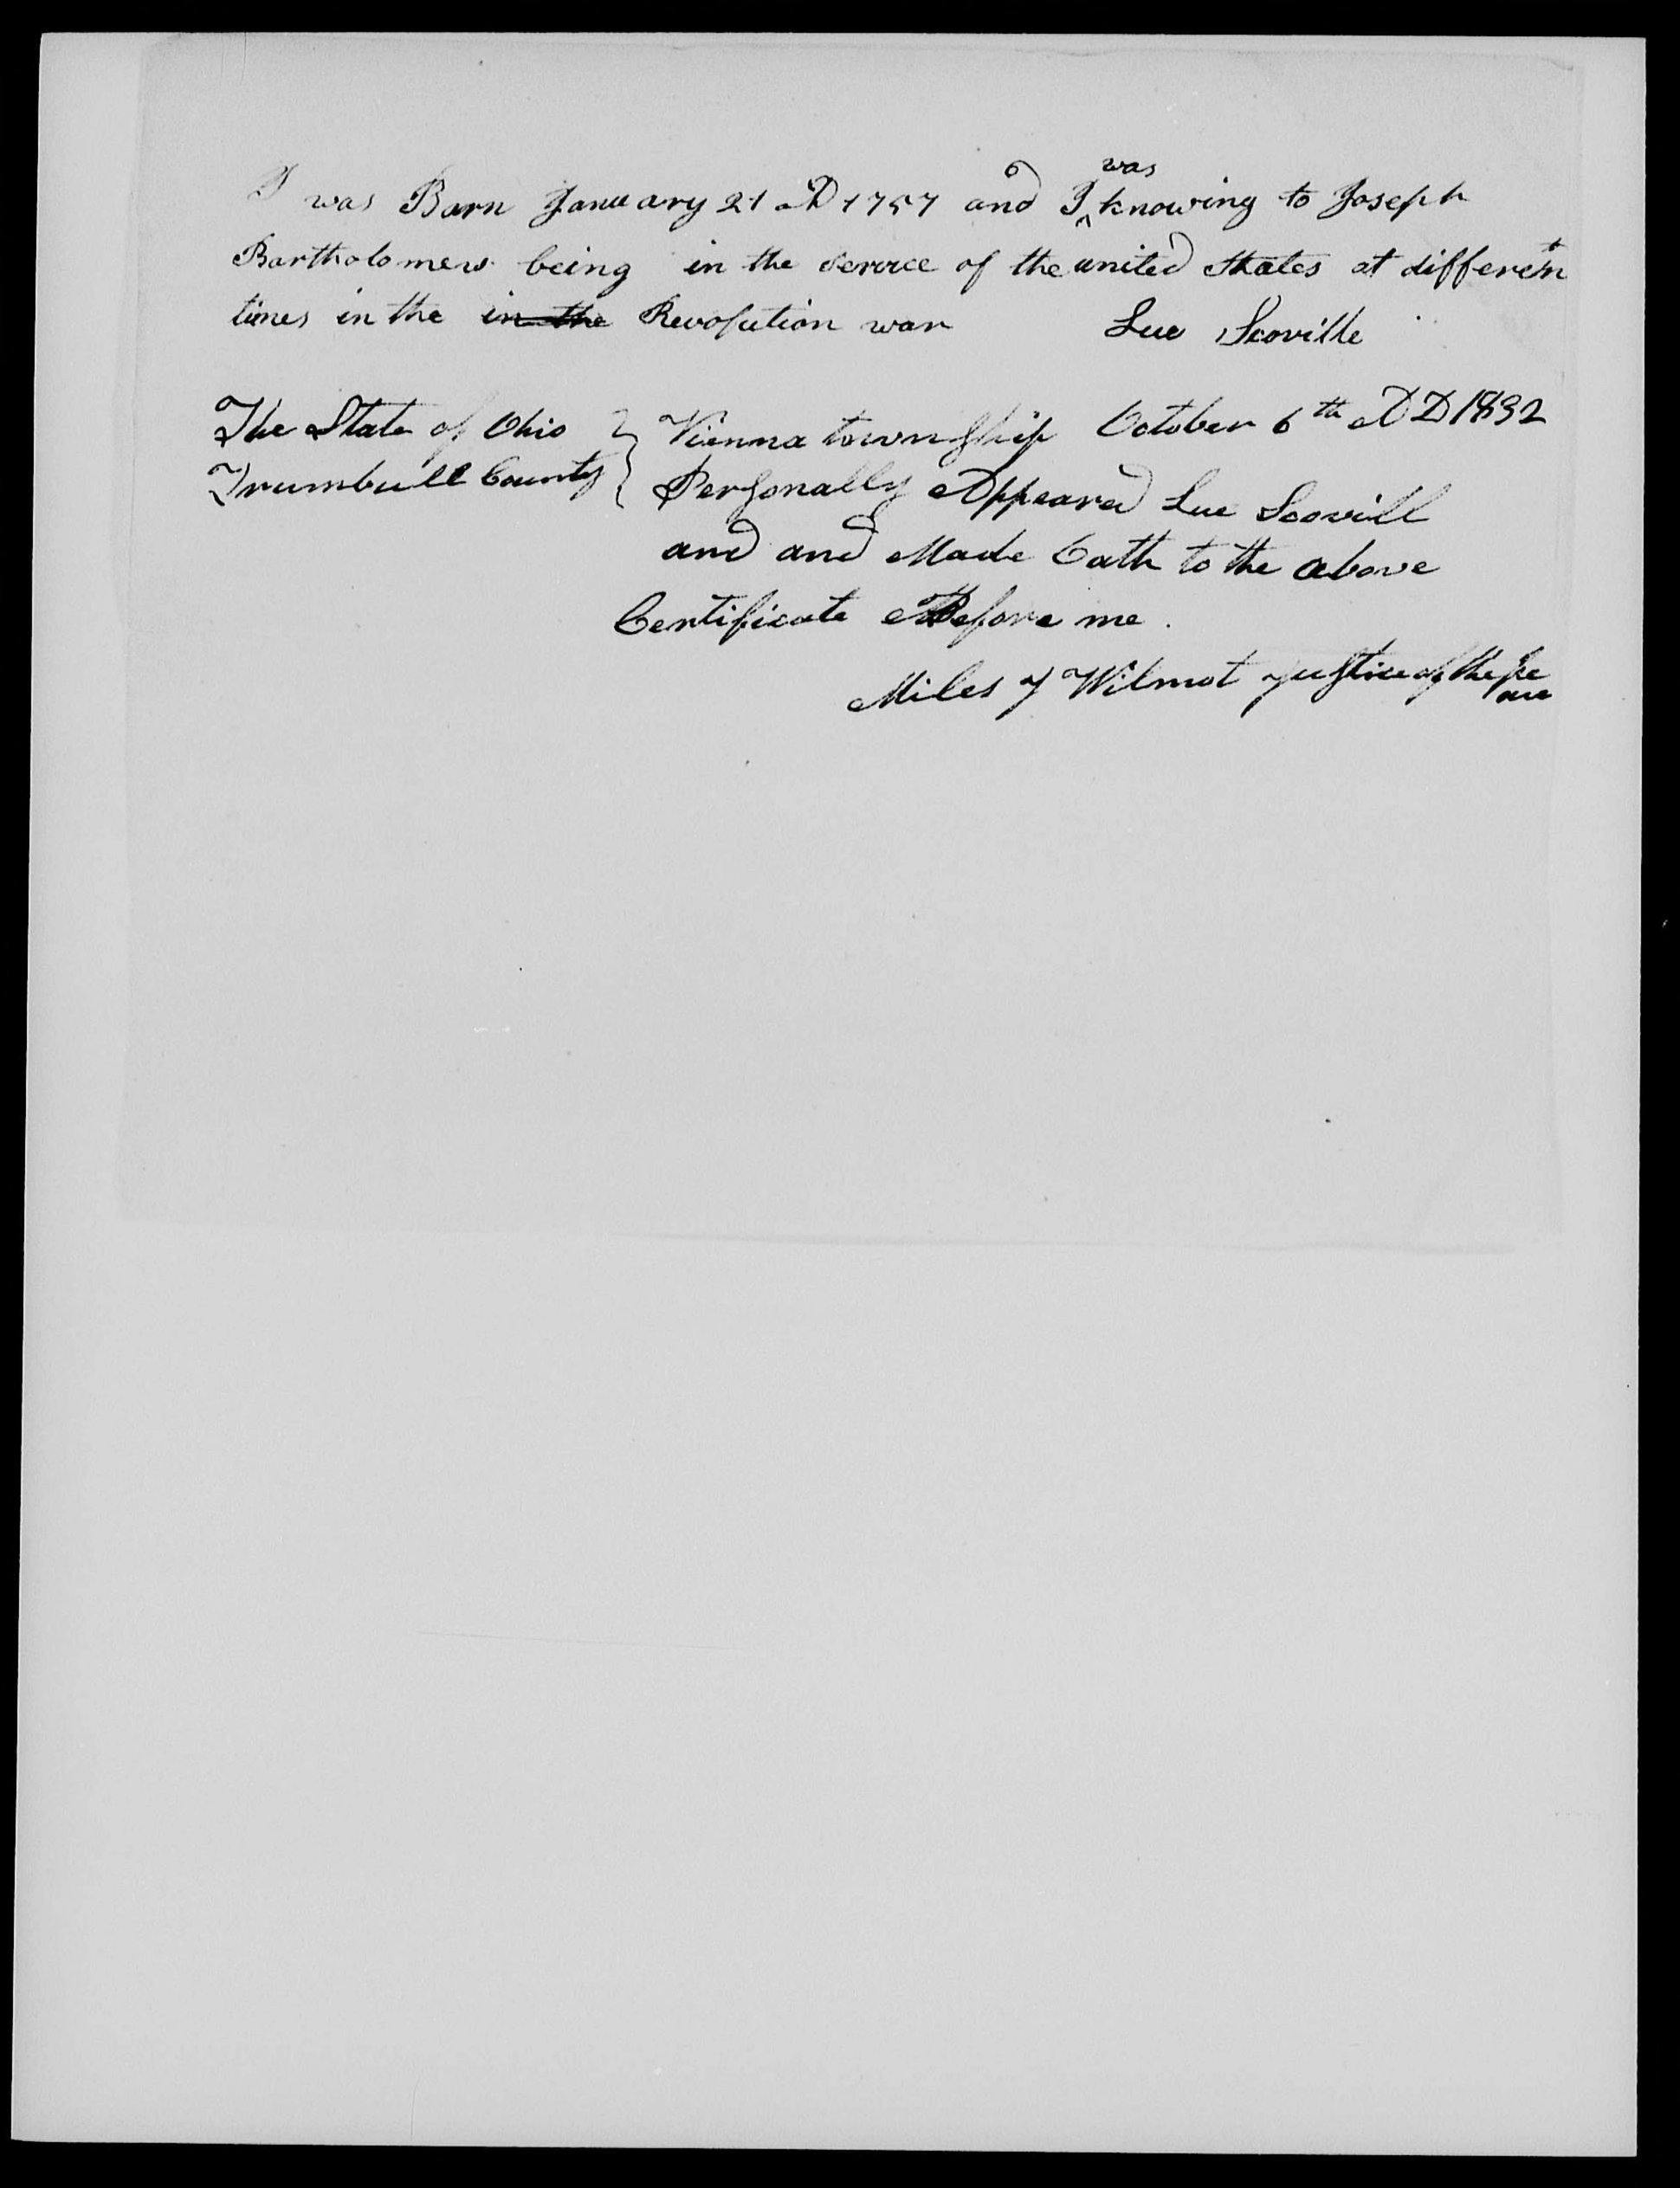I was Born January 21 AD1757 and I was knowing to Joseph Bartholomew being in the service of the United States at different times in the Revolution war.
Luc Scoville [signature]


The State of Ohio }
Trumbull County }

Vienna Township
October 6th AD 1832
Personally Appeared Lue Scovill and 
and made oath to the above
Certificate Before me

Miles of Wilmot Justice of the Peace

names: Lue Scoville, Lue Scoville, Joseph Bartholomew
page: 26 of 76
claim: widow's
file: W. 9345, Joseph Bartholomew, Conn.